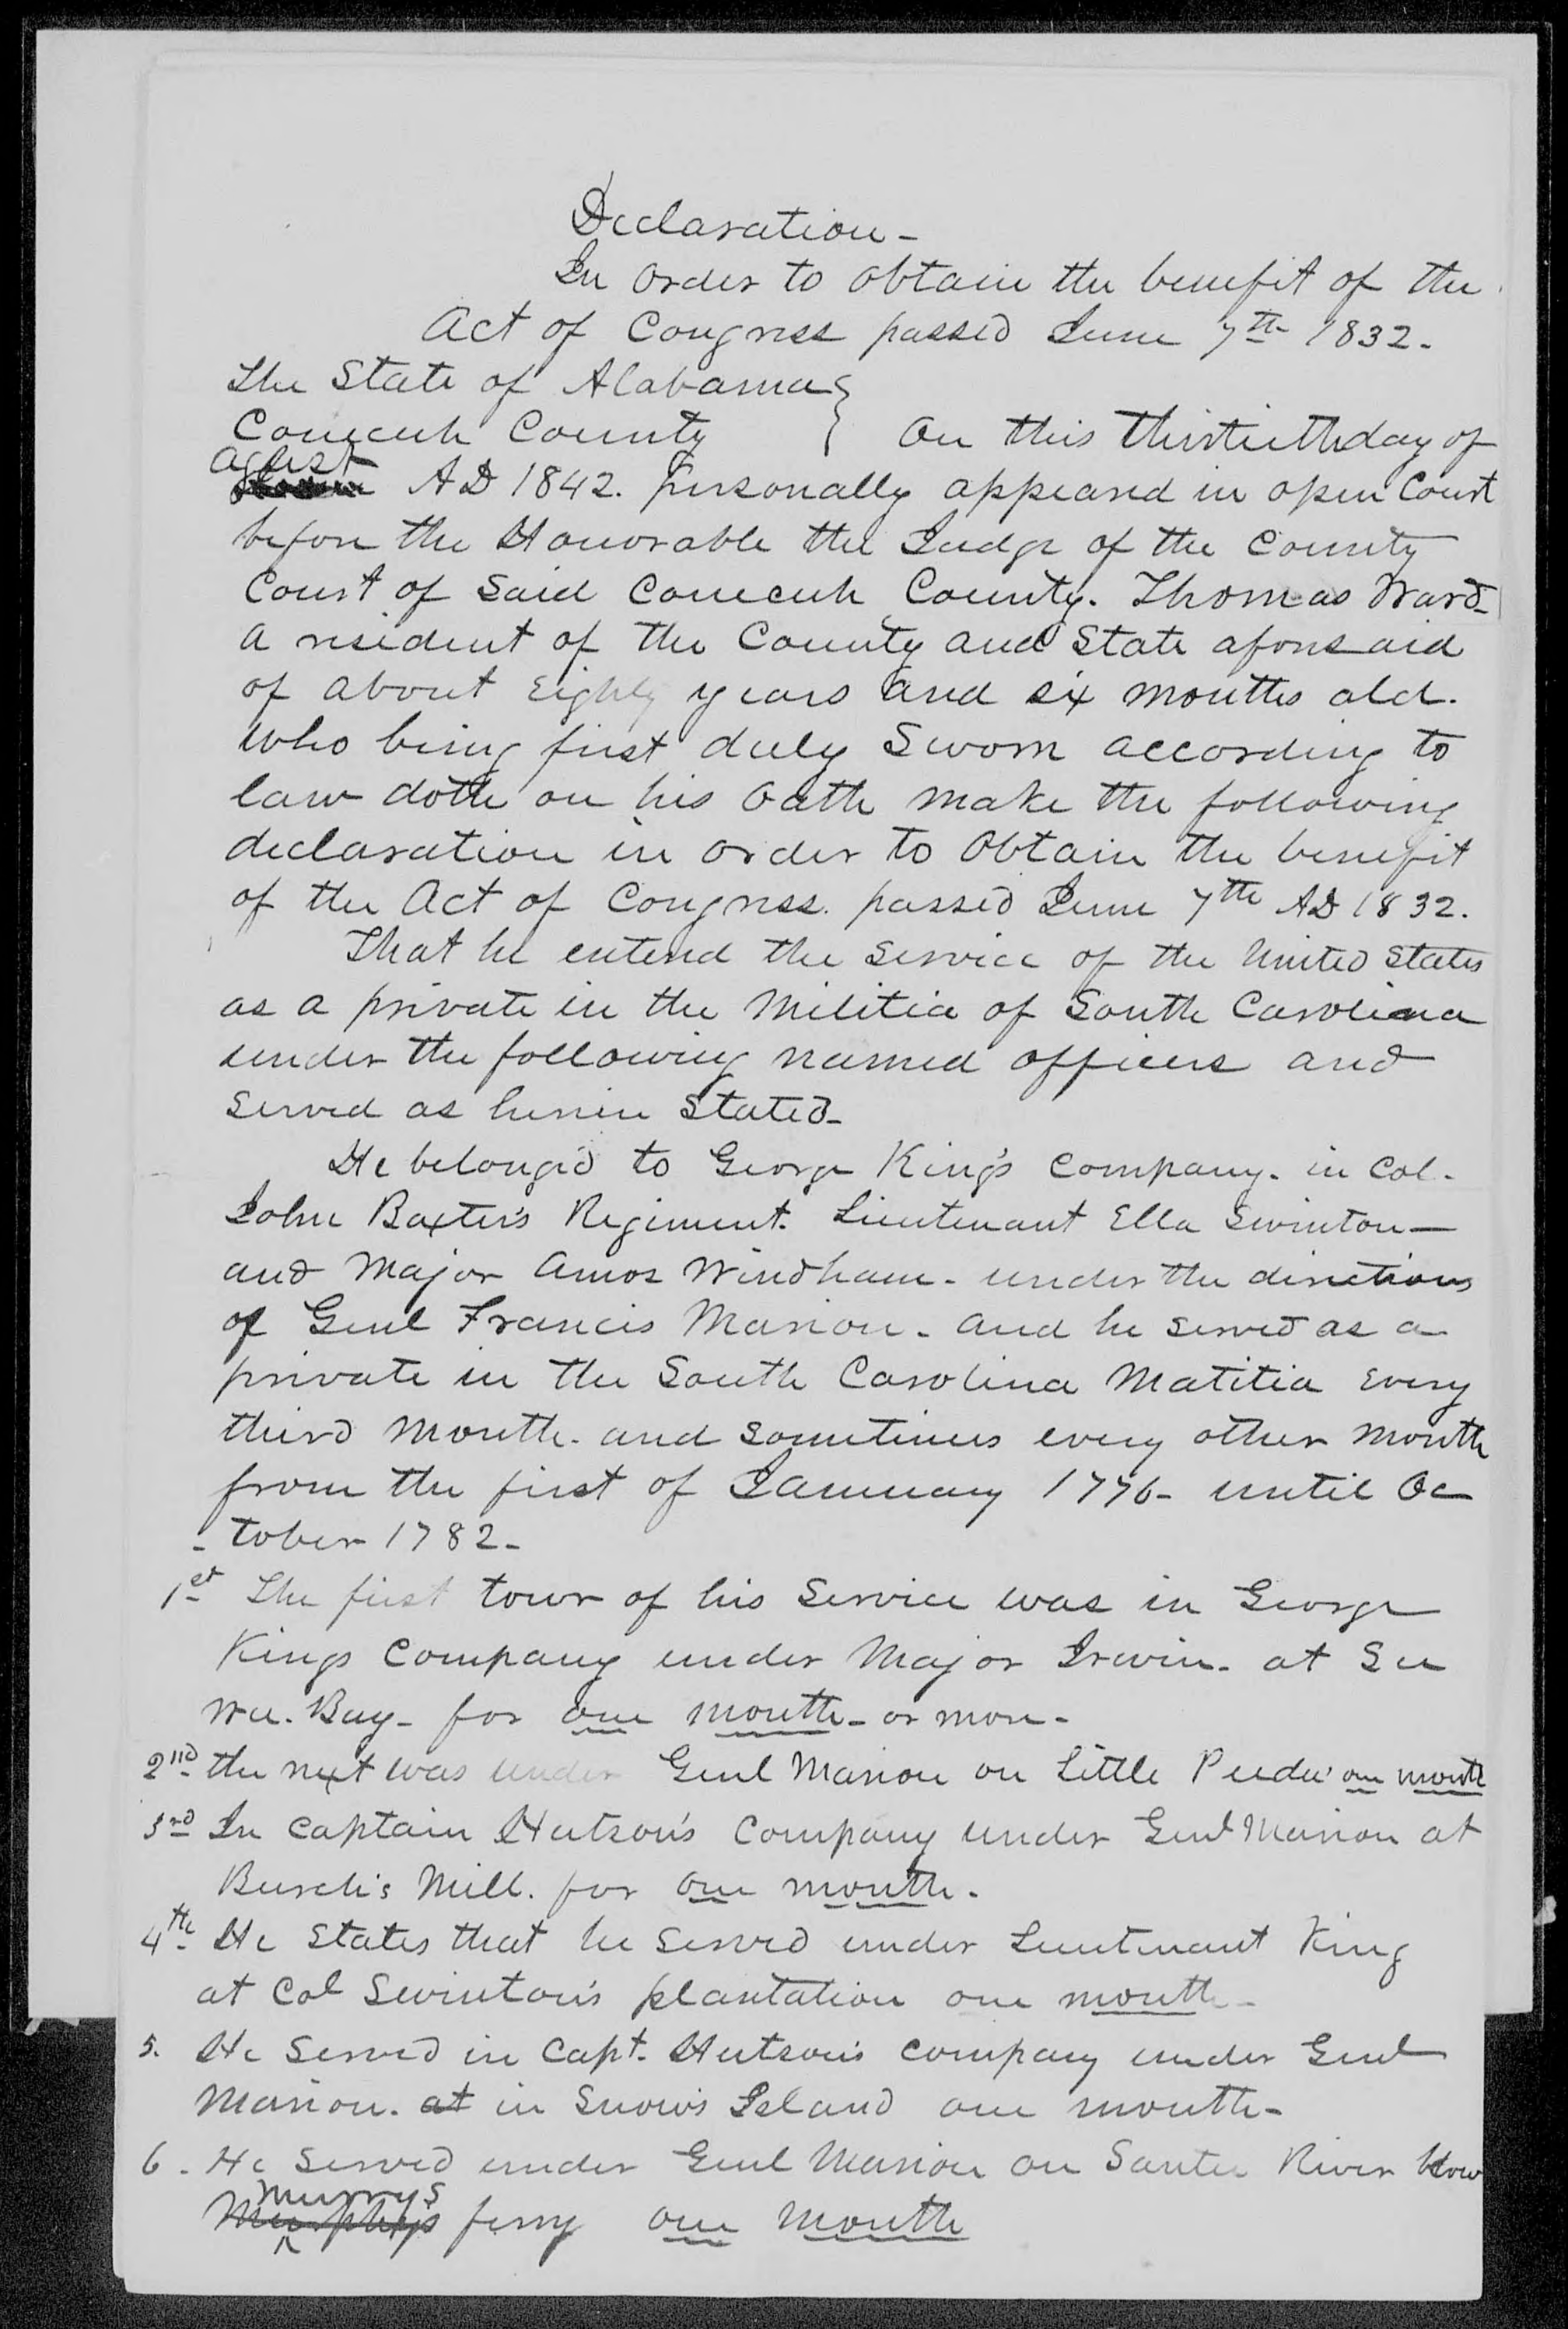Declaration --
Inorder to obtain the benefit of the Act of Congress passed June 7th 1832.
The State of Alabama
Conecuh County
On this thirtieth day of August AD 1842. personally appeared in open court before the Honorable the Judge of the County Court of said Conecuh County.  Thomas Ward a resident of the County and state aforesaid of about eighty years and six months old.  who being first duly Sworn according to law doth on his oath make the following declaration in order to obtain the benefit of the Act of Congress passed June 7th AD  1832.

That he entered the Service of the United States as a private in the Militia of South Carolina under the following named officers and served as herein stated.

He belonged to George King's Company. in Col. John Baxter's Regiment.  Lieutenant Ella Swinton __ and Major Amos Windham - under the directions of Genl Francis Marion _  and he served as a private in the South Carolina Militia every third month. and sometimes every other month from the first of January 1776 - until October 1782_
1st. There first town of this Service was in George King's Company under Major Irwin. at See Wee. Bay_ for one month ['one month' underlined]_ or more.
2nd.  the next was under Genl Marion on Little Peedee' one month {underlined last two words]
3rd  In Captain Hutson's Company under Genl Marion at Burch's Mill. for one month [last two words underlined]
4th. He states that he served under Lieutenant King at Col Swinton's plantation one month ['month' underlined]
5.  He served in Capt. Hutson's Company under Genl Marion ['at' crossed out] in Snow's Island one month.
6.  He served under Genl Marion on Santee River below Murrys [crossed out 'Murphy's'] ferry one month [last two words underlined]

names: Thomas Ward, King, Marion, Ella Swinton, Amos Windham, Marion, Marion, Francis Marion, Marion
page: 7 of 31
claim: survivor's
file: S. 14802, Thomas Ward, S.C.